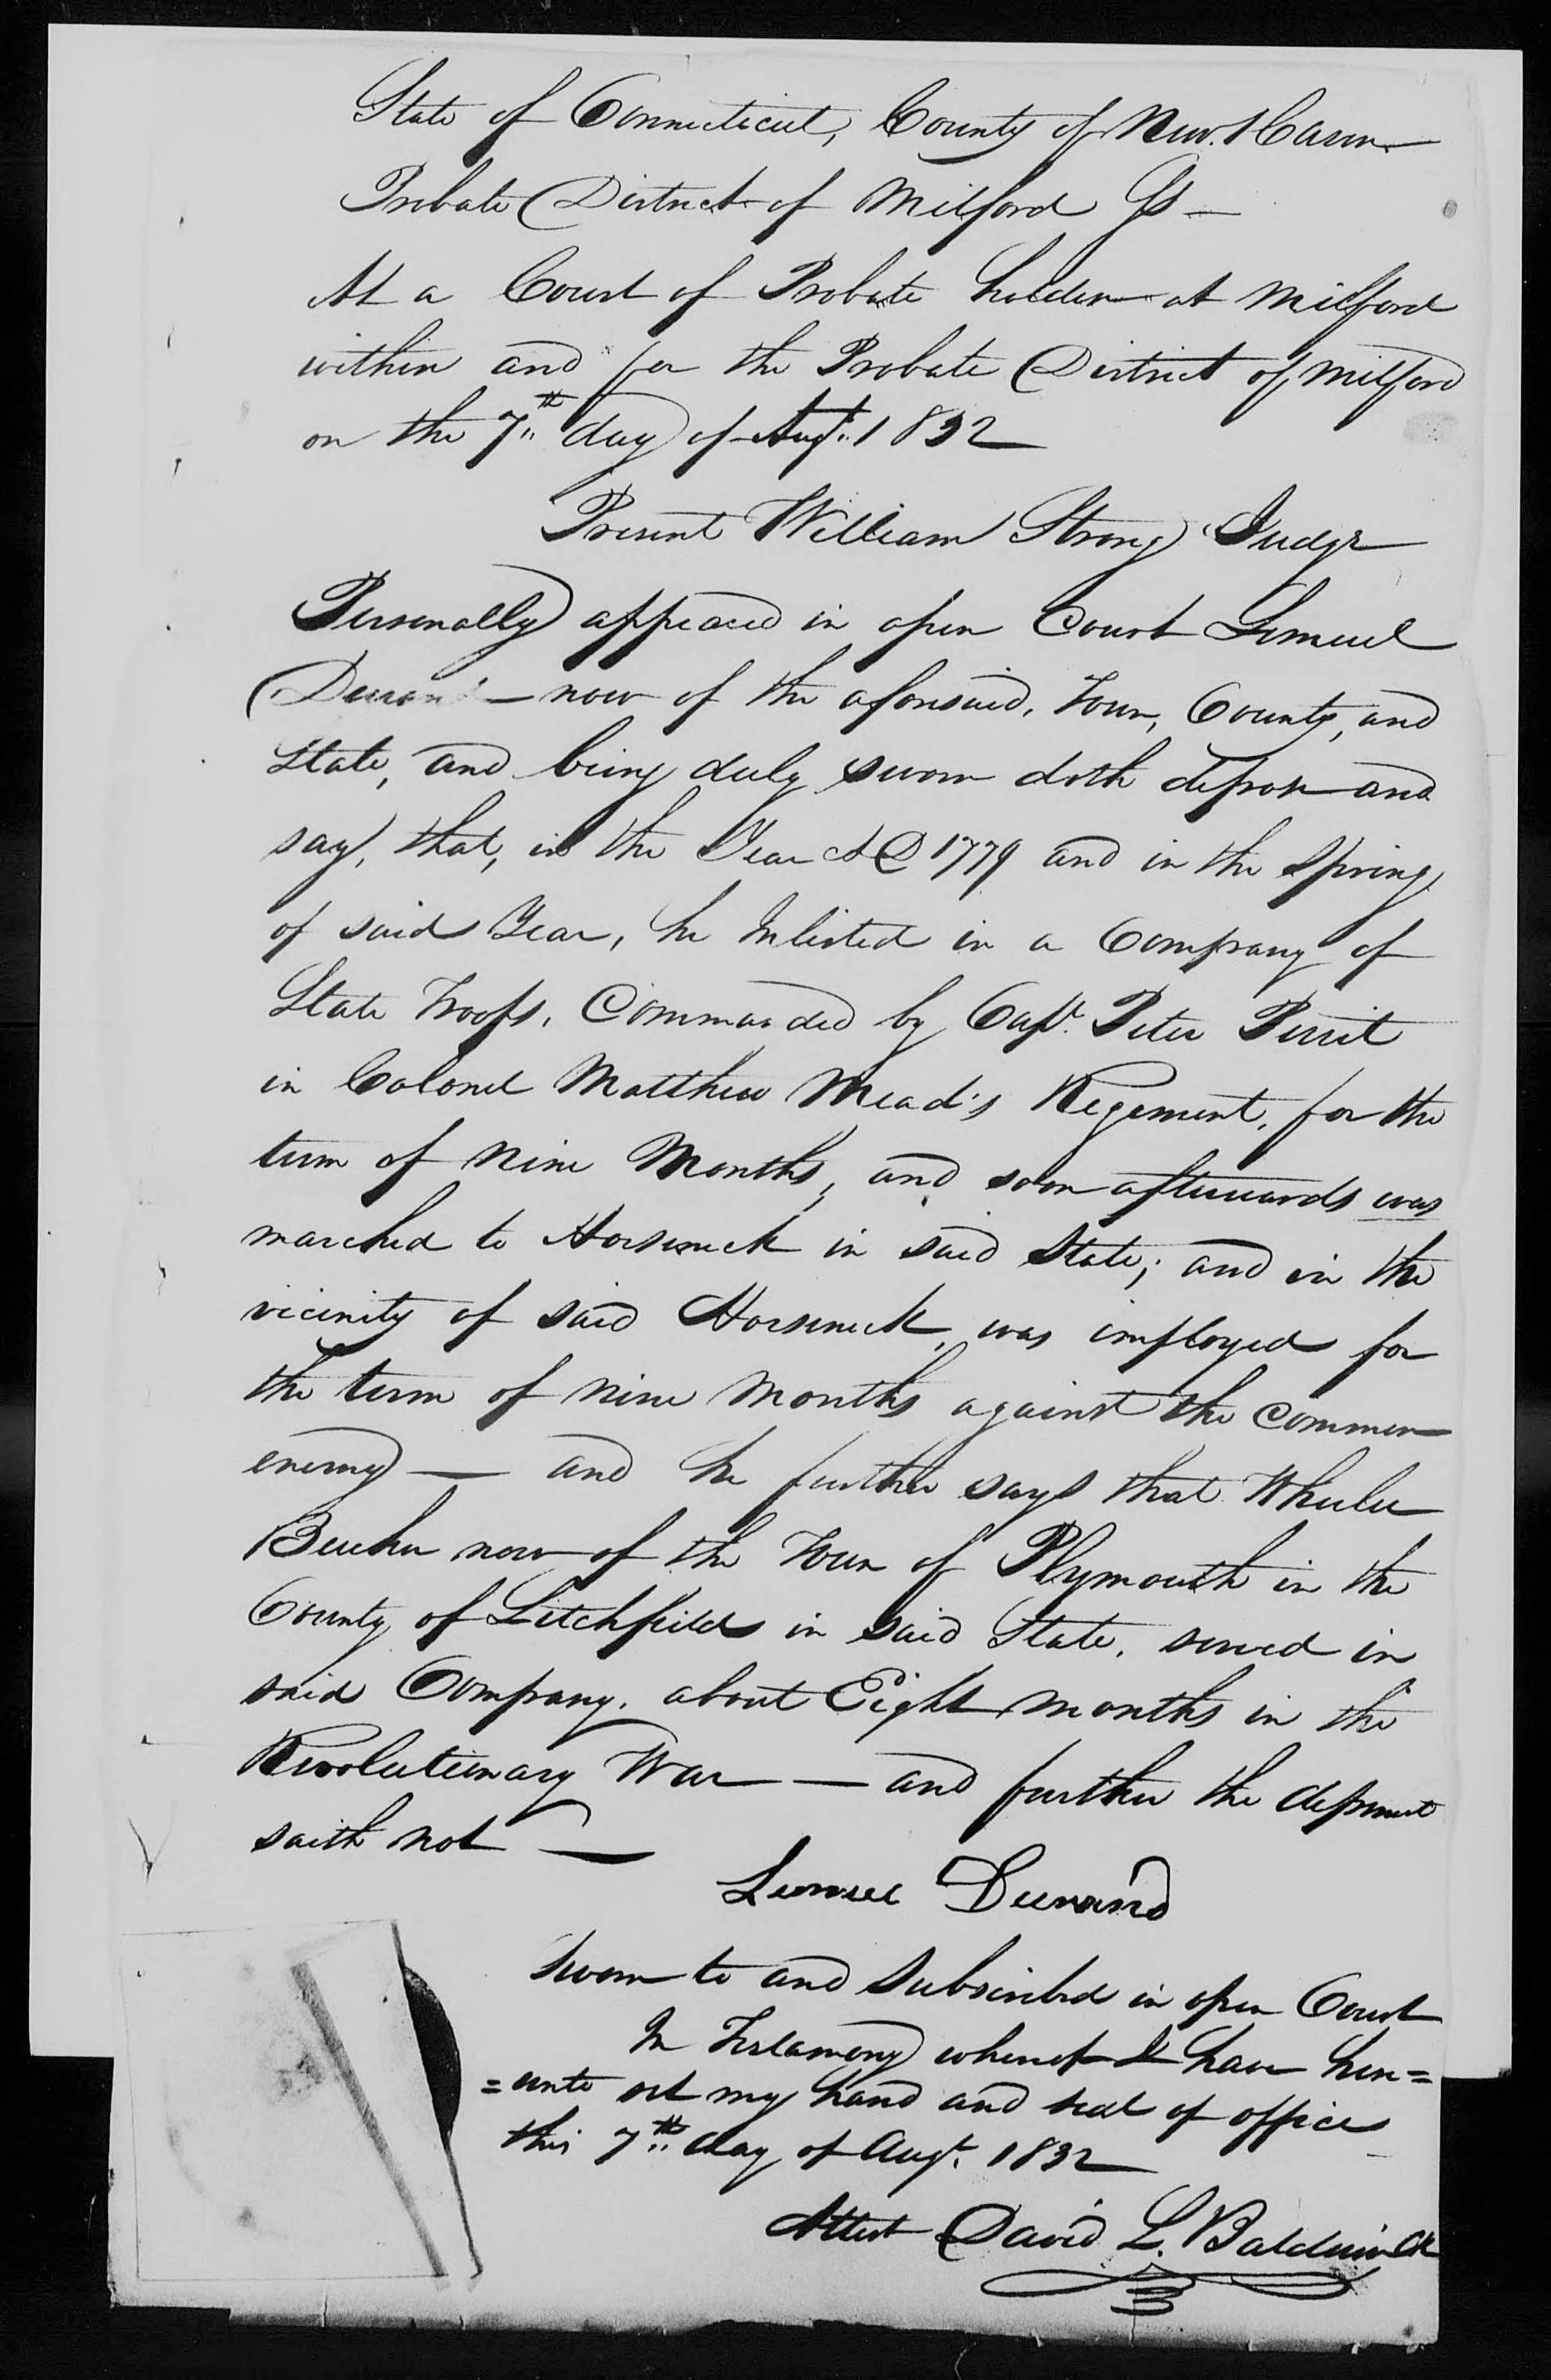State of Connecticut, County of New Haven Probate District of Milford Ss. -
At a Court of Probate holden at Milford within and for the Probate District of Milford on the 7th day of Sept 1832
Present William Strong Judge Personally appeared in open Court Lemuel Durant - now of the aforesaid Town, County, and State, and being duly sworn doth depose and say, that, in the year AD 1779 and in the Spring of said year, he enlisted in a Company of State Troops, Commanded by Capt. Peter Perrit in Colonel Matthew Mead's Regiment for the term of nine Months, and, soon afterwards was marched to Horseneck in said State, and in the vicinity of said Horseback was employed for the term of nine months against the Common enemy - and he further says that Wheeler Beecher now of the Town of Plymouth in the County of Litchfield in said State, served in said Company, about Eight months in the Revolutionary War - and further the deponent saith not- Lemuel Durand 

Sworn to and subscribed in open Court In Testimony whereof I have hereunto set me hand and seal of office this 7th day of Augt. 1832
Attest David L. Baldwin Ck

[embossed seal]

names: Wheeler Beecher, Lemuel Durand, Peter Perrit, David L Baldwin, William Strong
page: 19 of 21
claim: survivor's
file: S. 14943, Wheeler Beecher, Conn.